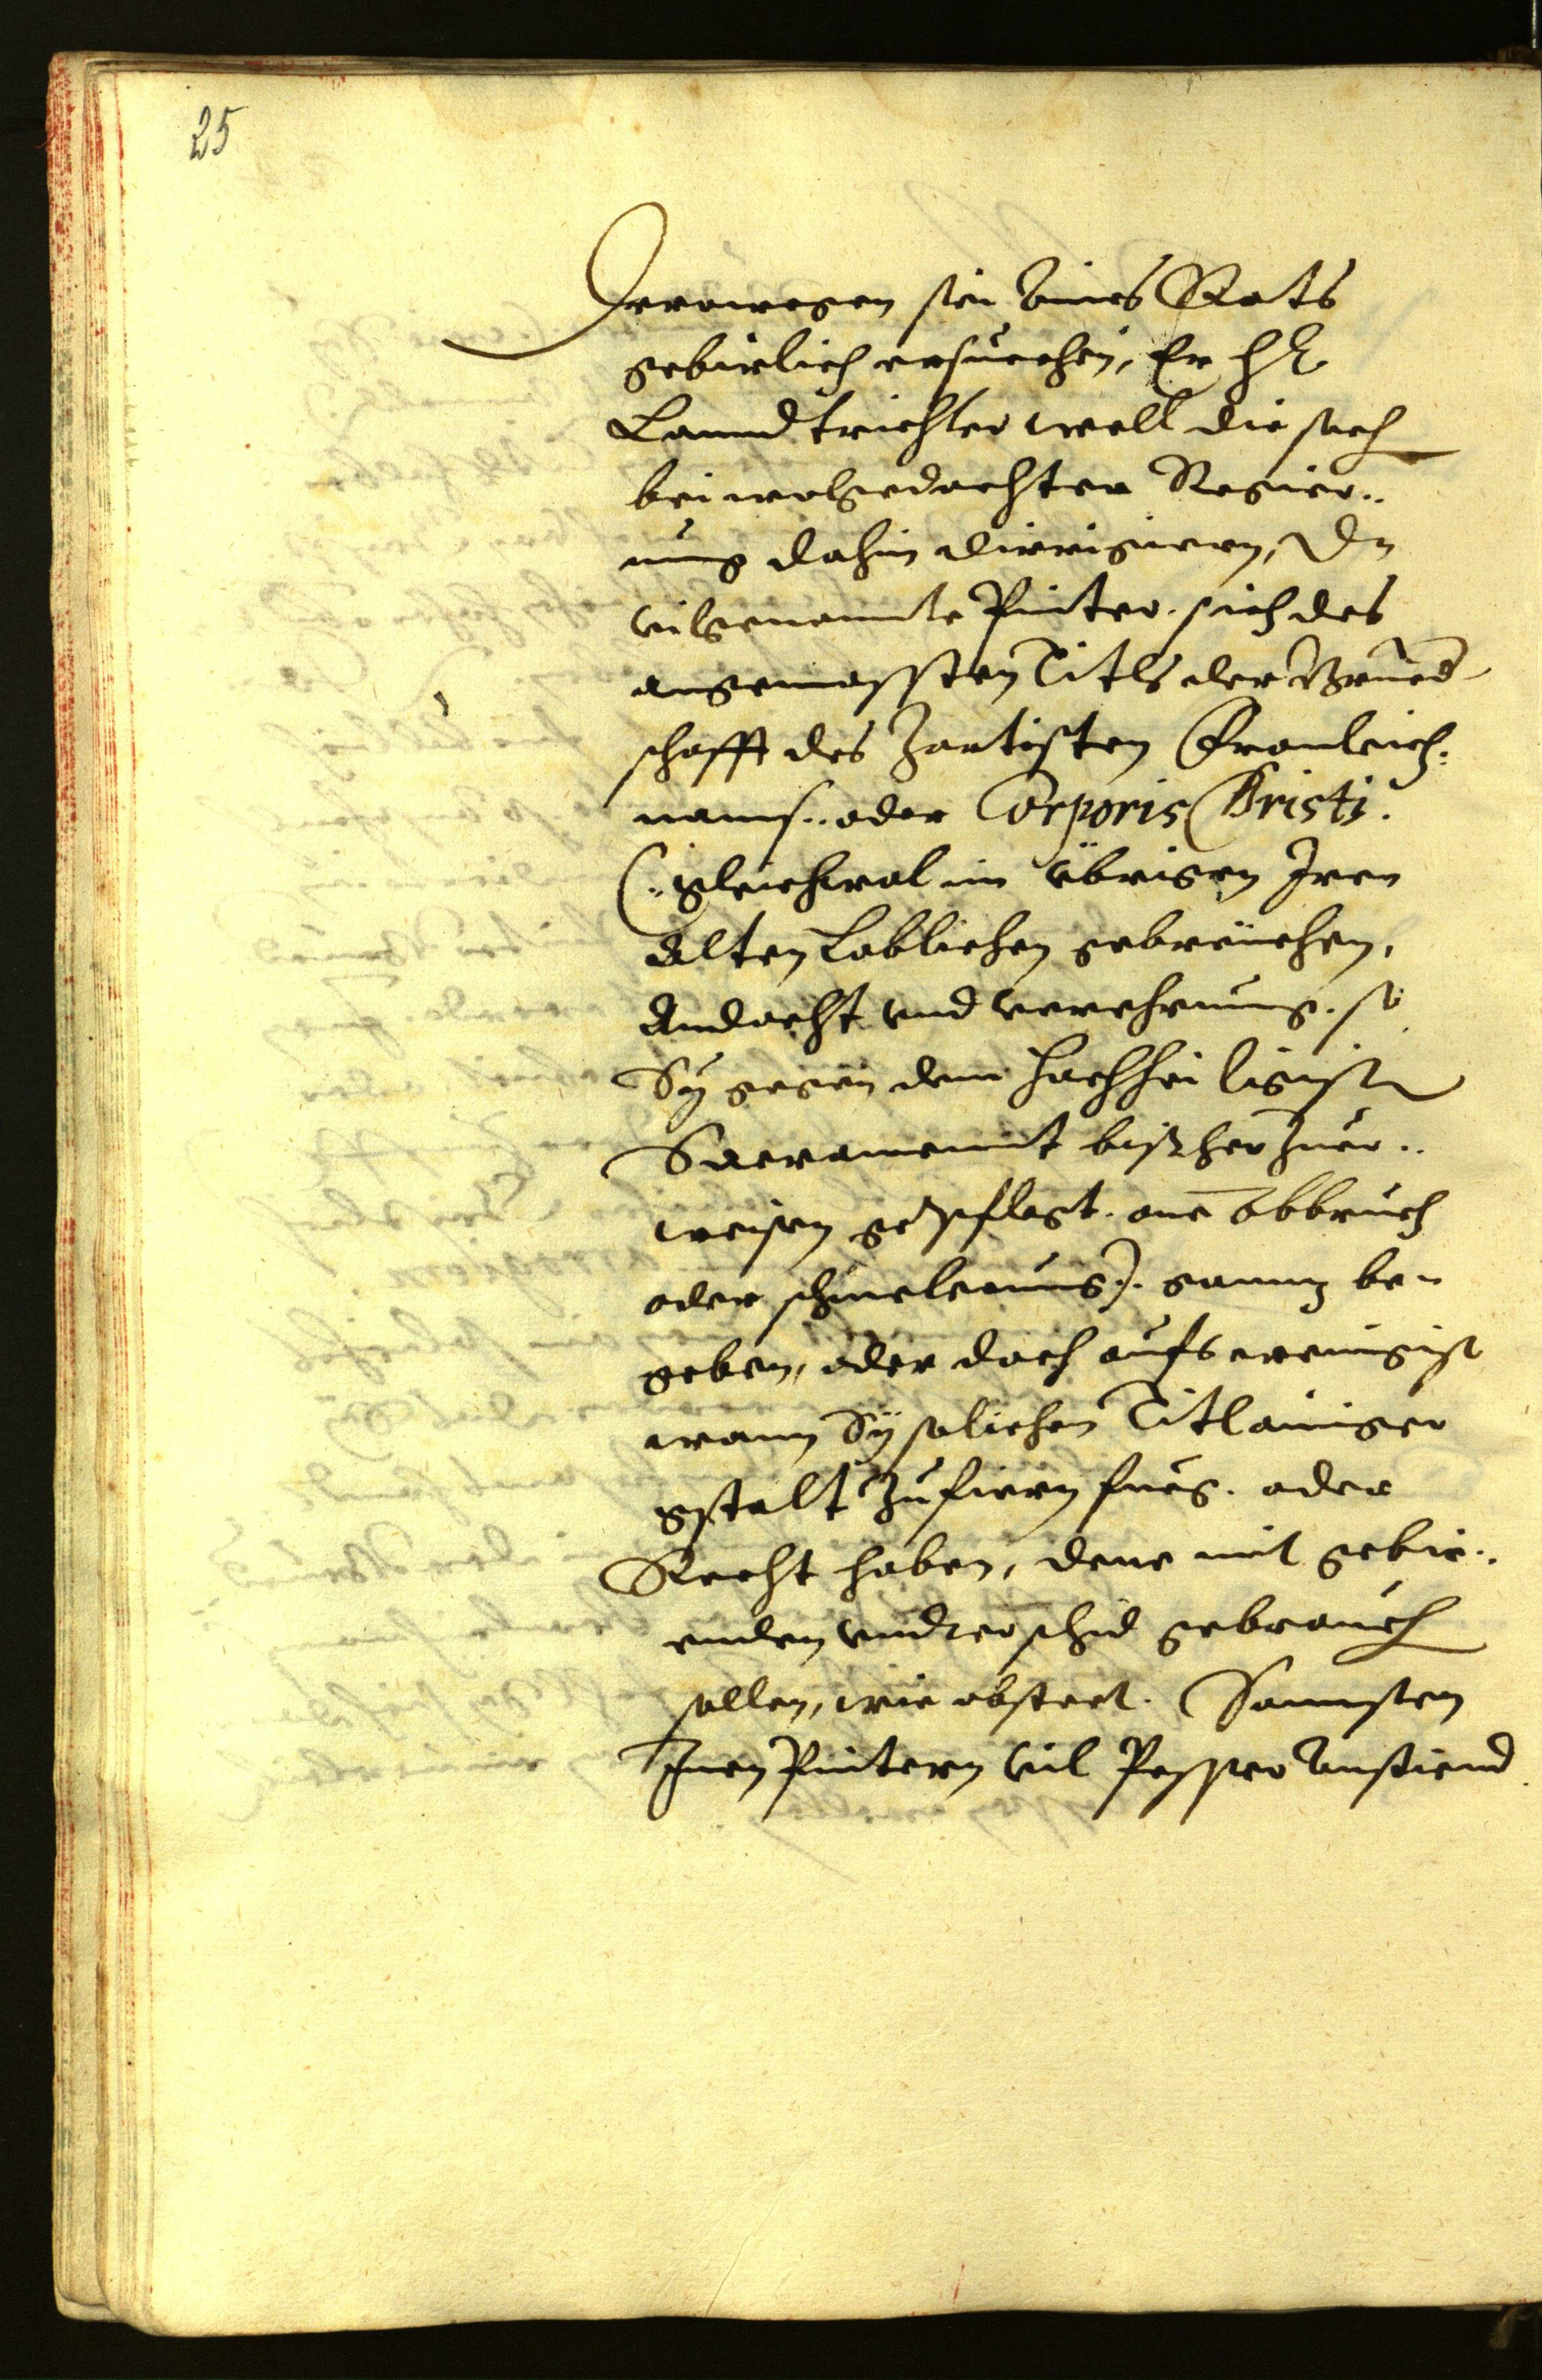25
Derowegen sein Aines Rats
gebirlich ersūechen, Er hl.
Lanndtrichter well die sach
bei wolgedachter Regier¬
ūng dahin dirrigieren, den
vilgenannte Pinter. sich des
angemassten Titls aber Brūed¬
schafft des Zartisten Fronleich¬
nams: oder Corporis Cristi.
(:gleichwol im v̈brigen Iren
Alten Loblichen gebreüchen,
Andacht vnd verehrūng. so
Sÿ gegen dem Hochheiligist
Sacramennt bißher Zūer¬
weisen gepflegt. one Abbrūch
oder schmelerūng.). gannz be¬
geben, oder doch aūfs wenigist
wann Sÿ solichen Titl ainiger
gstalt Zū fiern fūeg. oder
Recht haben, dene mit gebir¬
enden vnderschid gebraūch
sollen, wie obsteet. Sonnsten
Inen Pintern vil Pesser Anstiend.